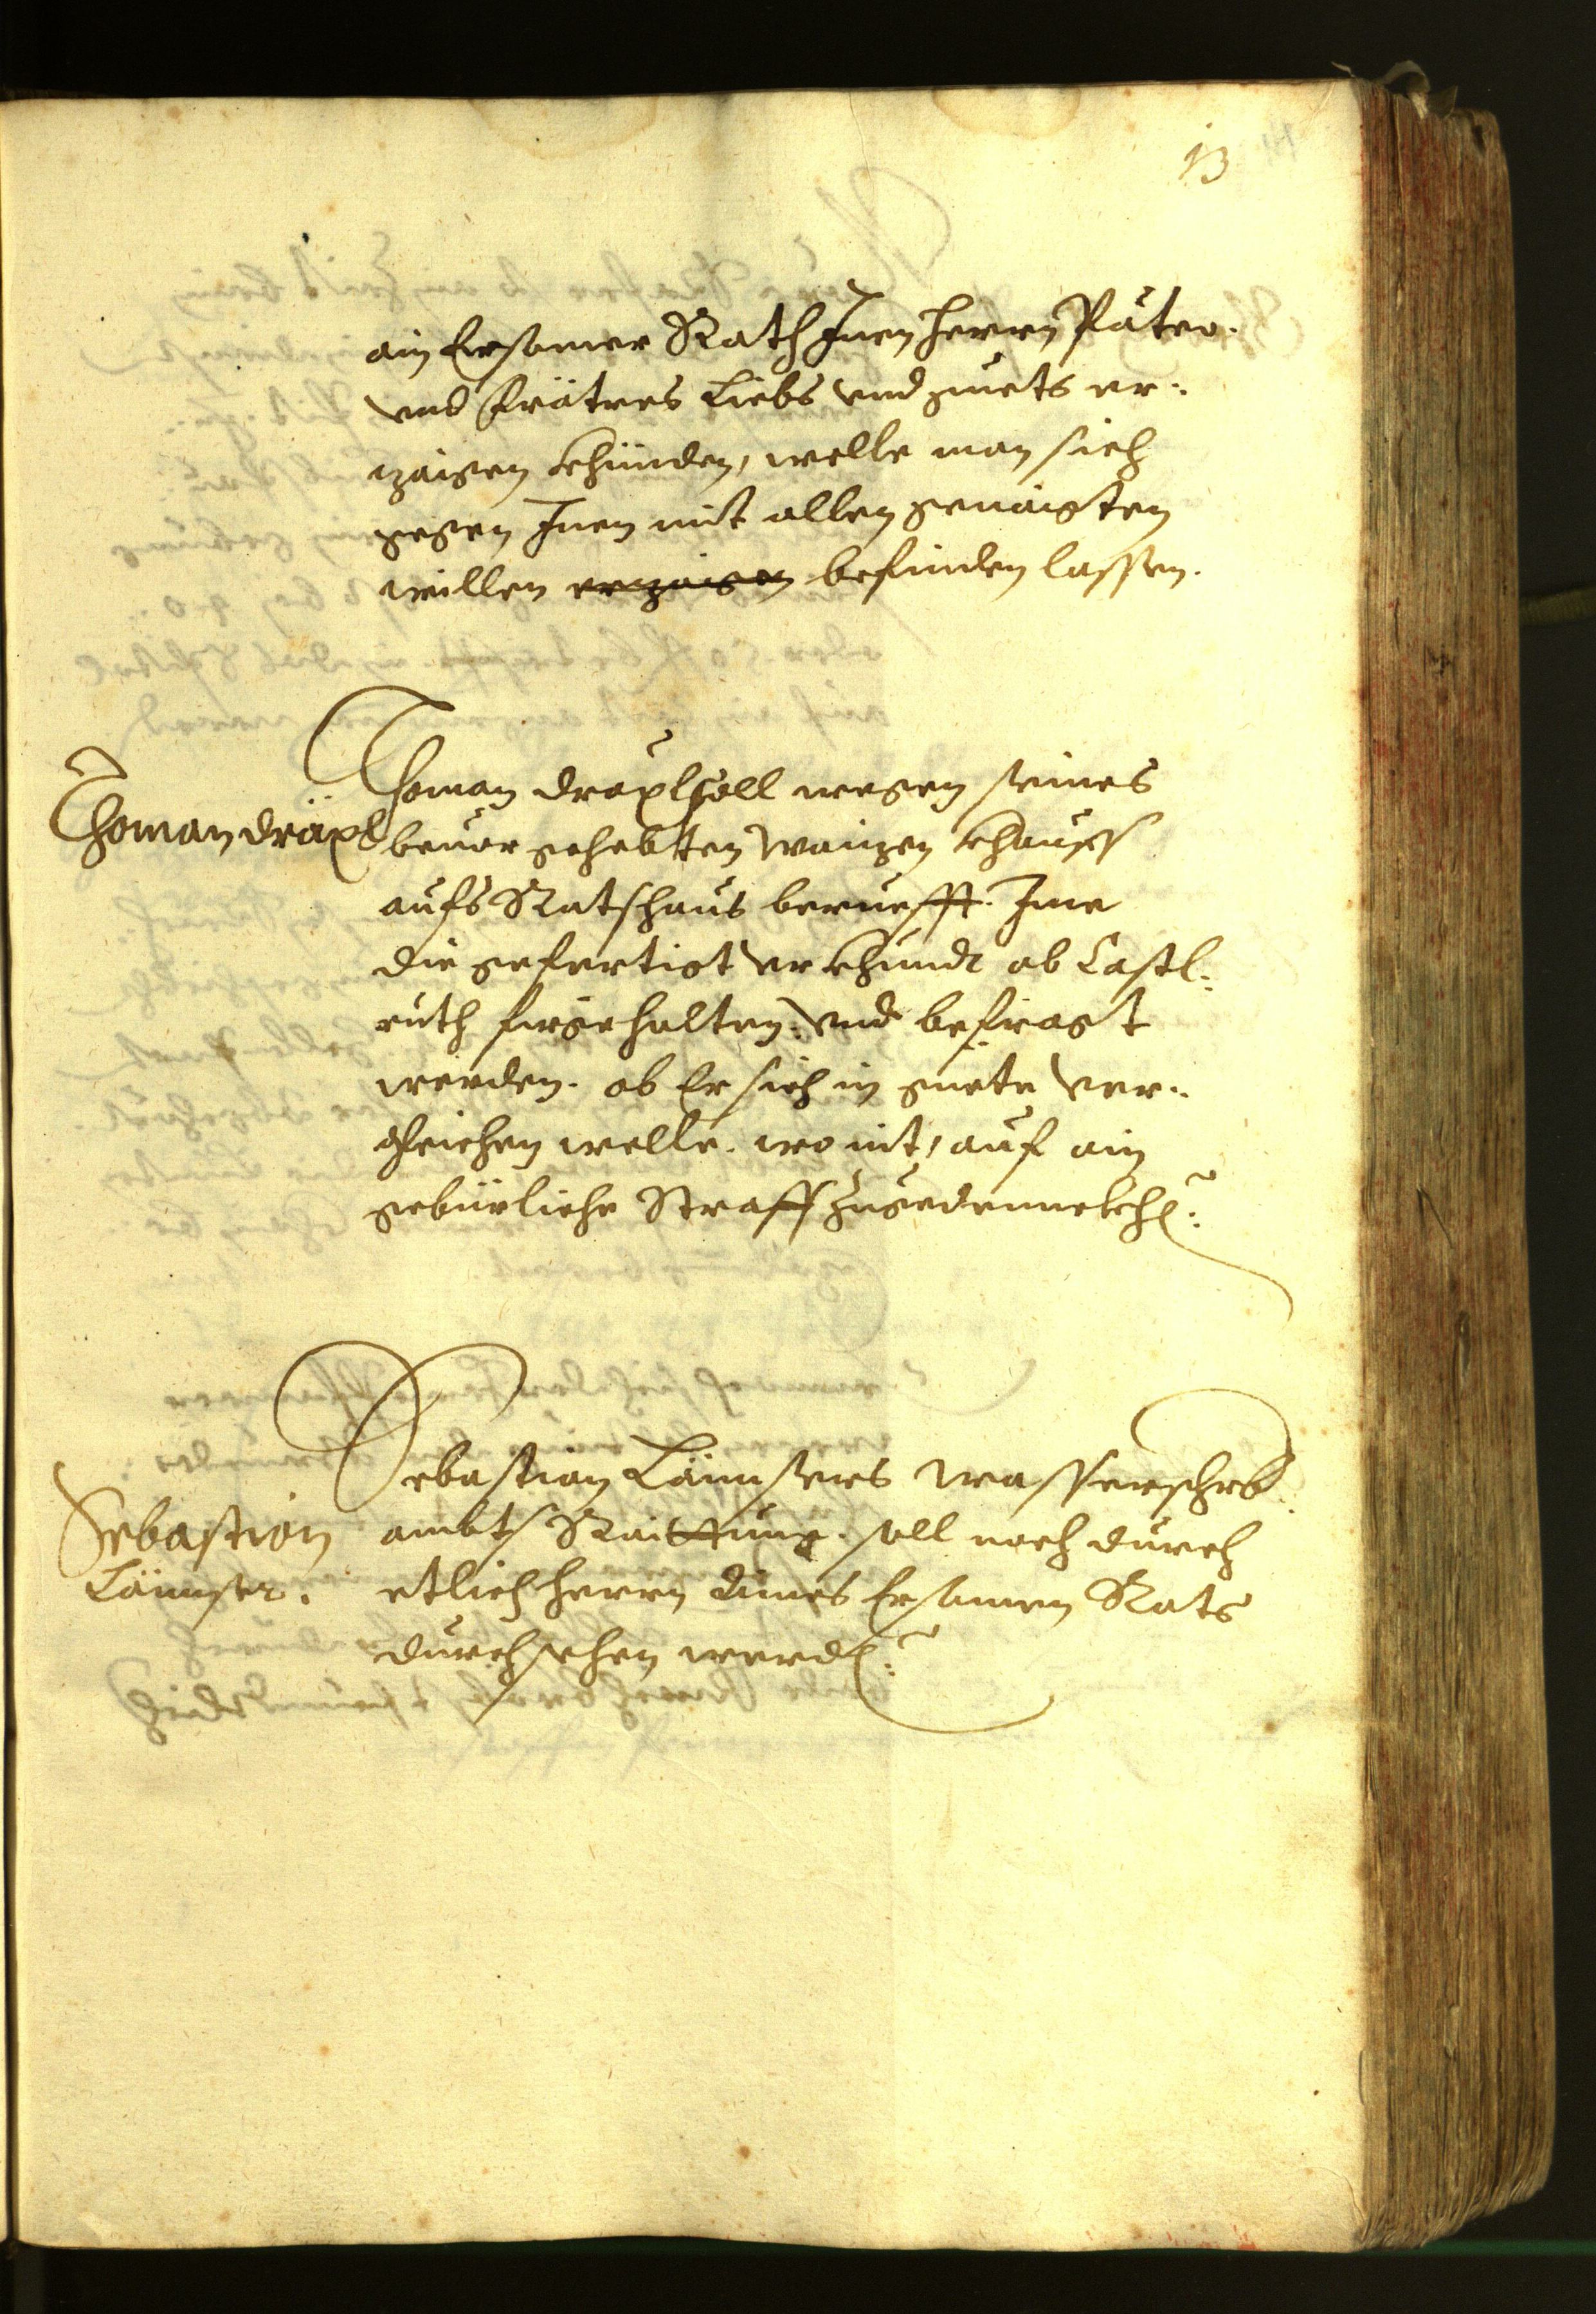13
ain Ersamer Rath Inen herrn Pāter.
vnd Fräters Liebs vnd gūets er¬
zaigen khünden, welle man sich
gegen Inen mit allen genaigsten
willen erzaigen befinden lassen.
Thoman drāxl soll wegen seines
beūor gehabten Waizen khaūfs
aūfs Rathaūs berūefft. Ime
die gefertigt vrkhūndt ob Castl¬
rūth firgehalten. vnd befragt
werden. ob Er sich in gūete ver¬
gleichen welle. wo nit, aūf ain
gebürliche Straff Zūgedennckh:
Thoman dräxl
Sebastian Lännsers Wasserschrb¬
ambts Raittūng. soll noch dūrch
etlich herrn Aines Ersamen Rats
dūrchsehen werd.
Sebastian
Lännser.